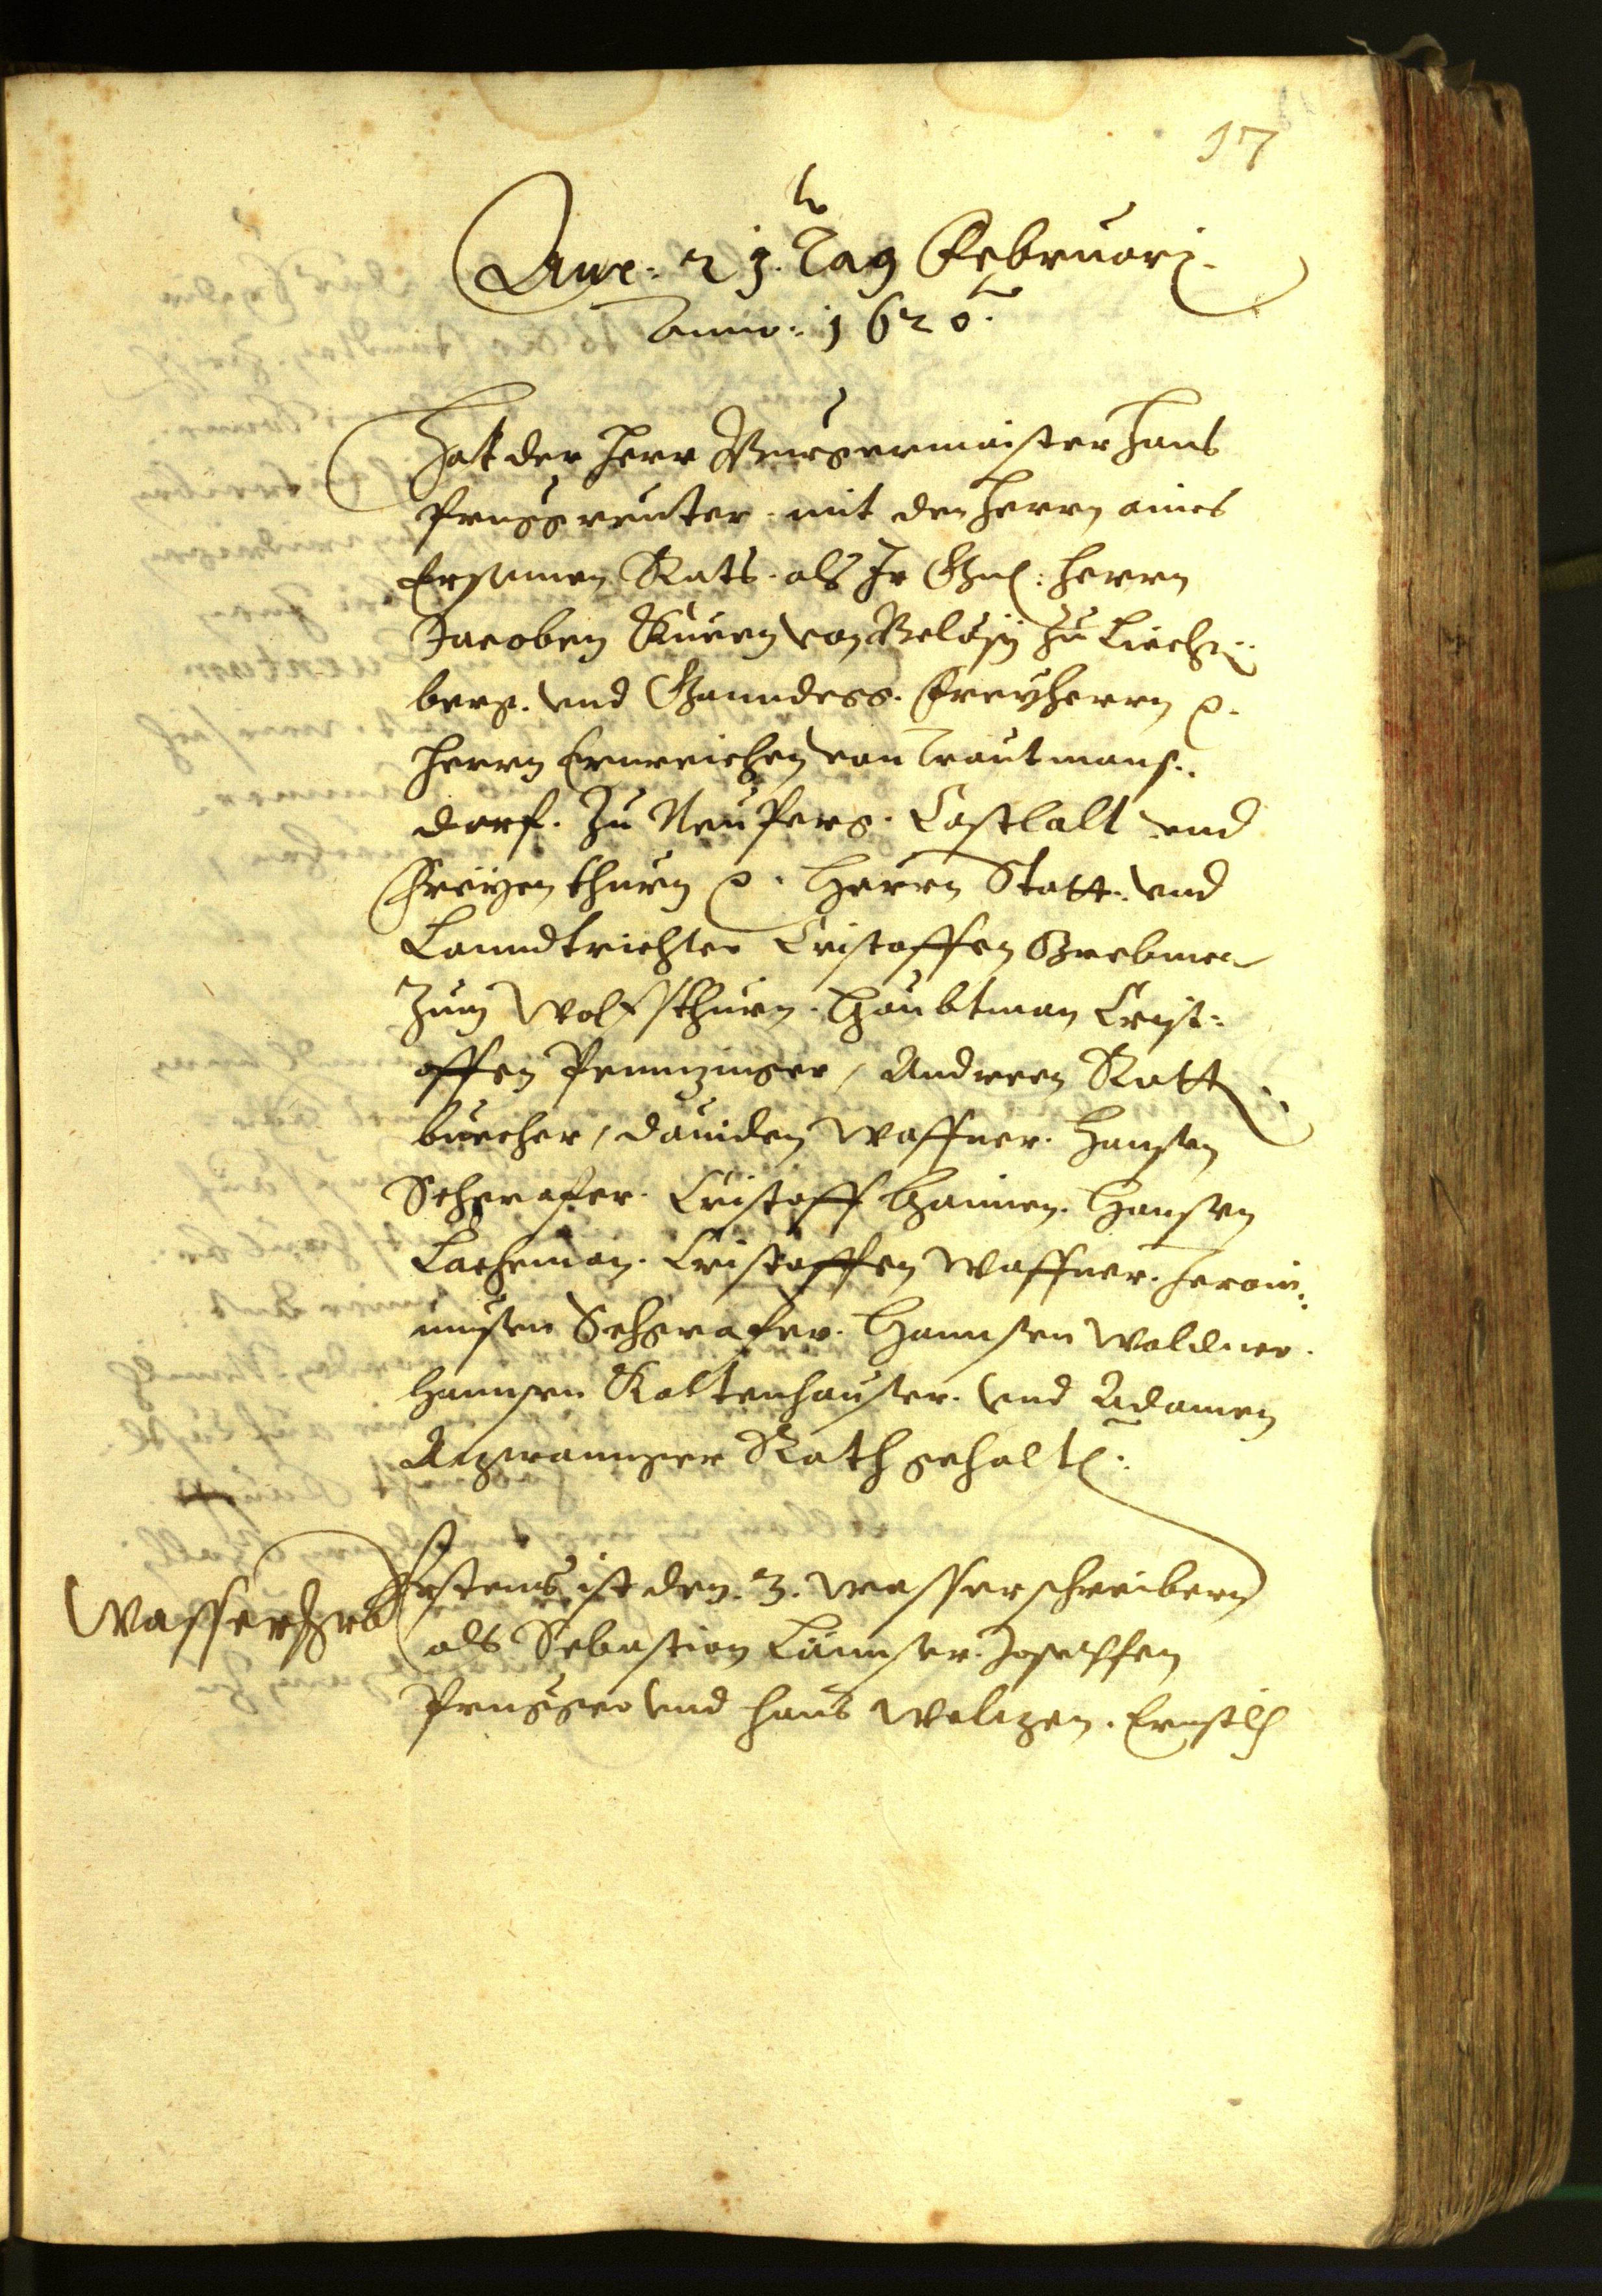Am: 21.t Tag Febrūarj
Anno: 1620t.
17
Hat der herr Būrgermaister hans
Prūggreūter. mit den herrn aines
Ersamen Rats. als Ir Gn: Herrn
Jacoben Kūēen von Belāsȳ zū Liecht¬
berg. vnd Ganndegg. Freȳherrn etc.
herrn Ernreichen von Traūtmans¬
dorf. Zū NeūPerg. Castlalt. vnd
Freÿen thūrn etc. Herrn Statt: vnd
Lanndtrichter Cristoffen Grebmer
Zūm Wolfsthūrn. Haūbtman Crist¬
offen Pennzinger, Andreen Rott¬
būecher, daūiden Waffner. Hansen
Schgrafer. Cristoff Haimen. Hansen
Lacheman. Cristoffen Waffner. Jeroni¬
mūsen Schgrafer. Hannsen Waldner.
Hannsen Kaltenhaūser. vnd Adamen
Azwannger Rath gehalt.
Erstens ist den. 3. Wasserschreibern
als Sebastian Lännser. Joseffen
Prūgger vnd hans Welzer. Ernstlich
Wasserschrb